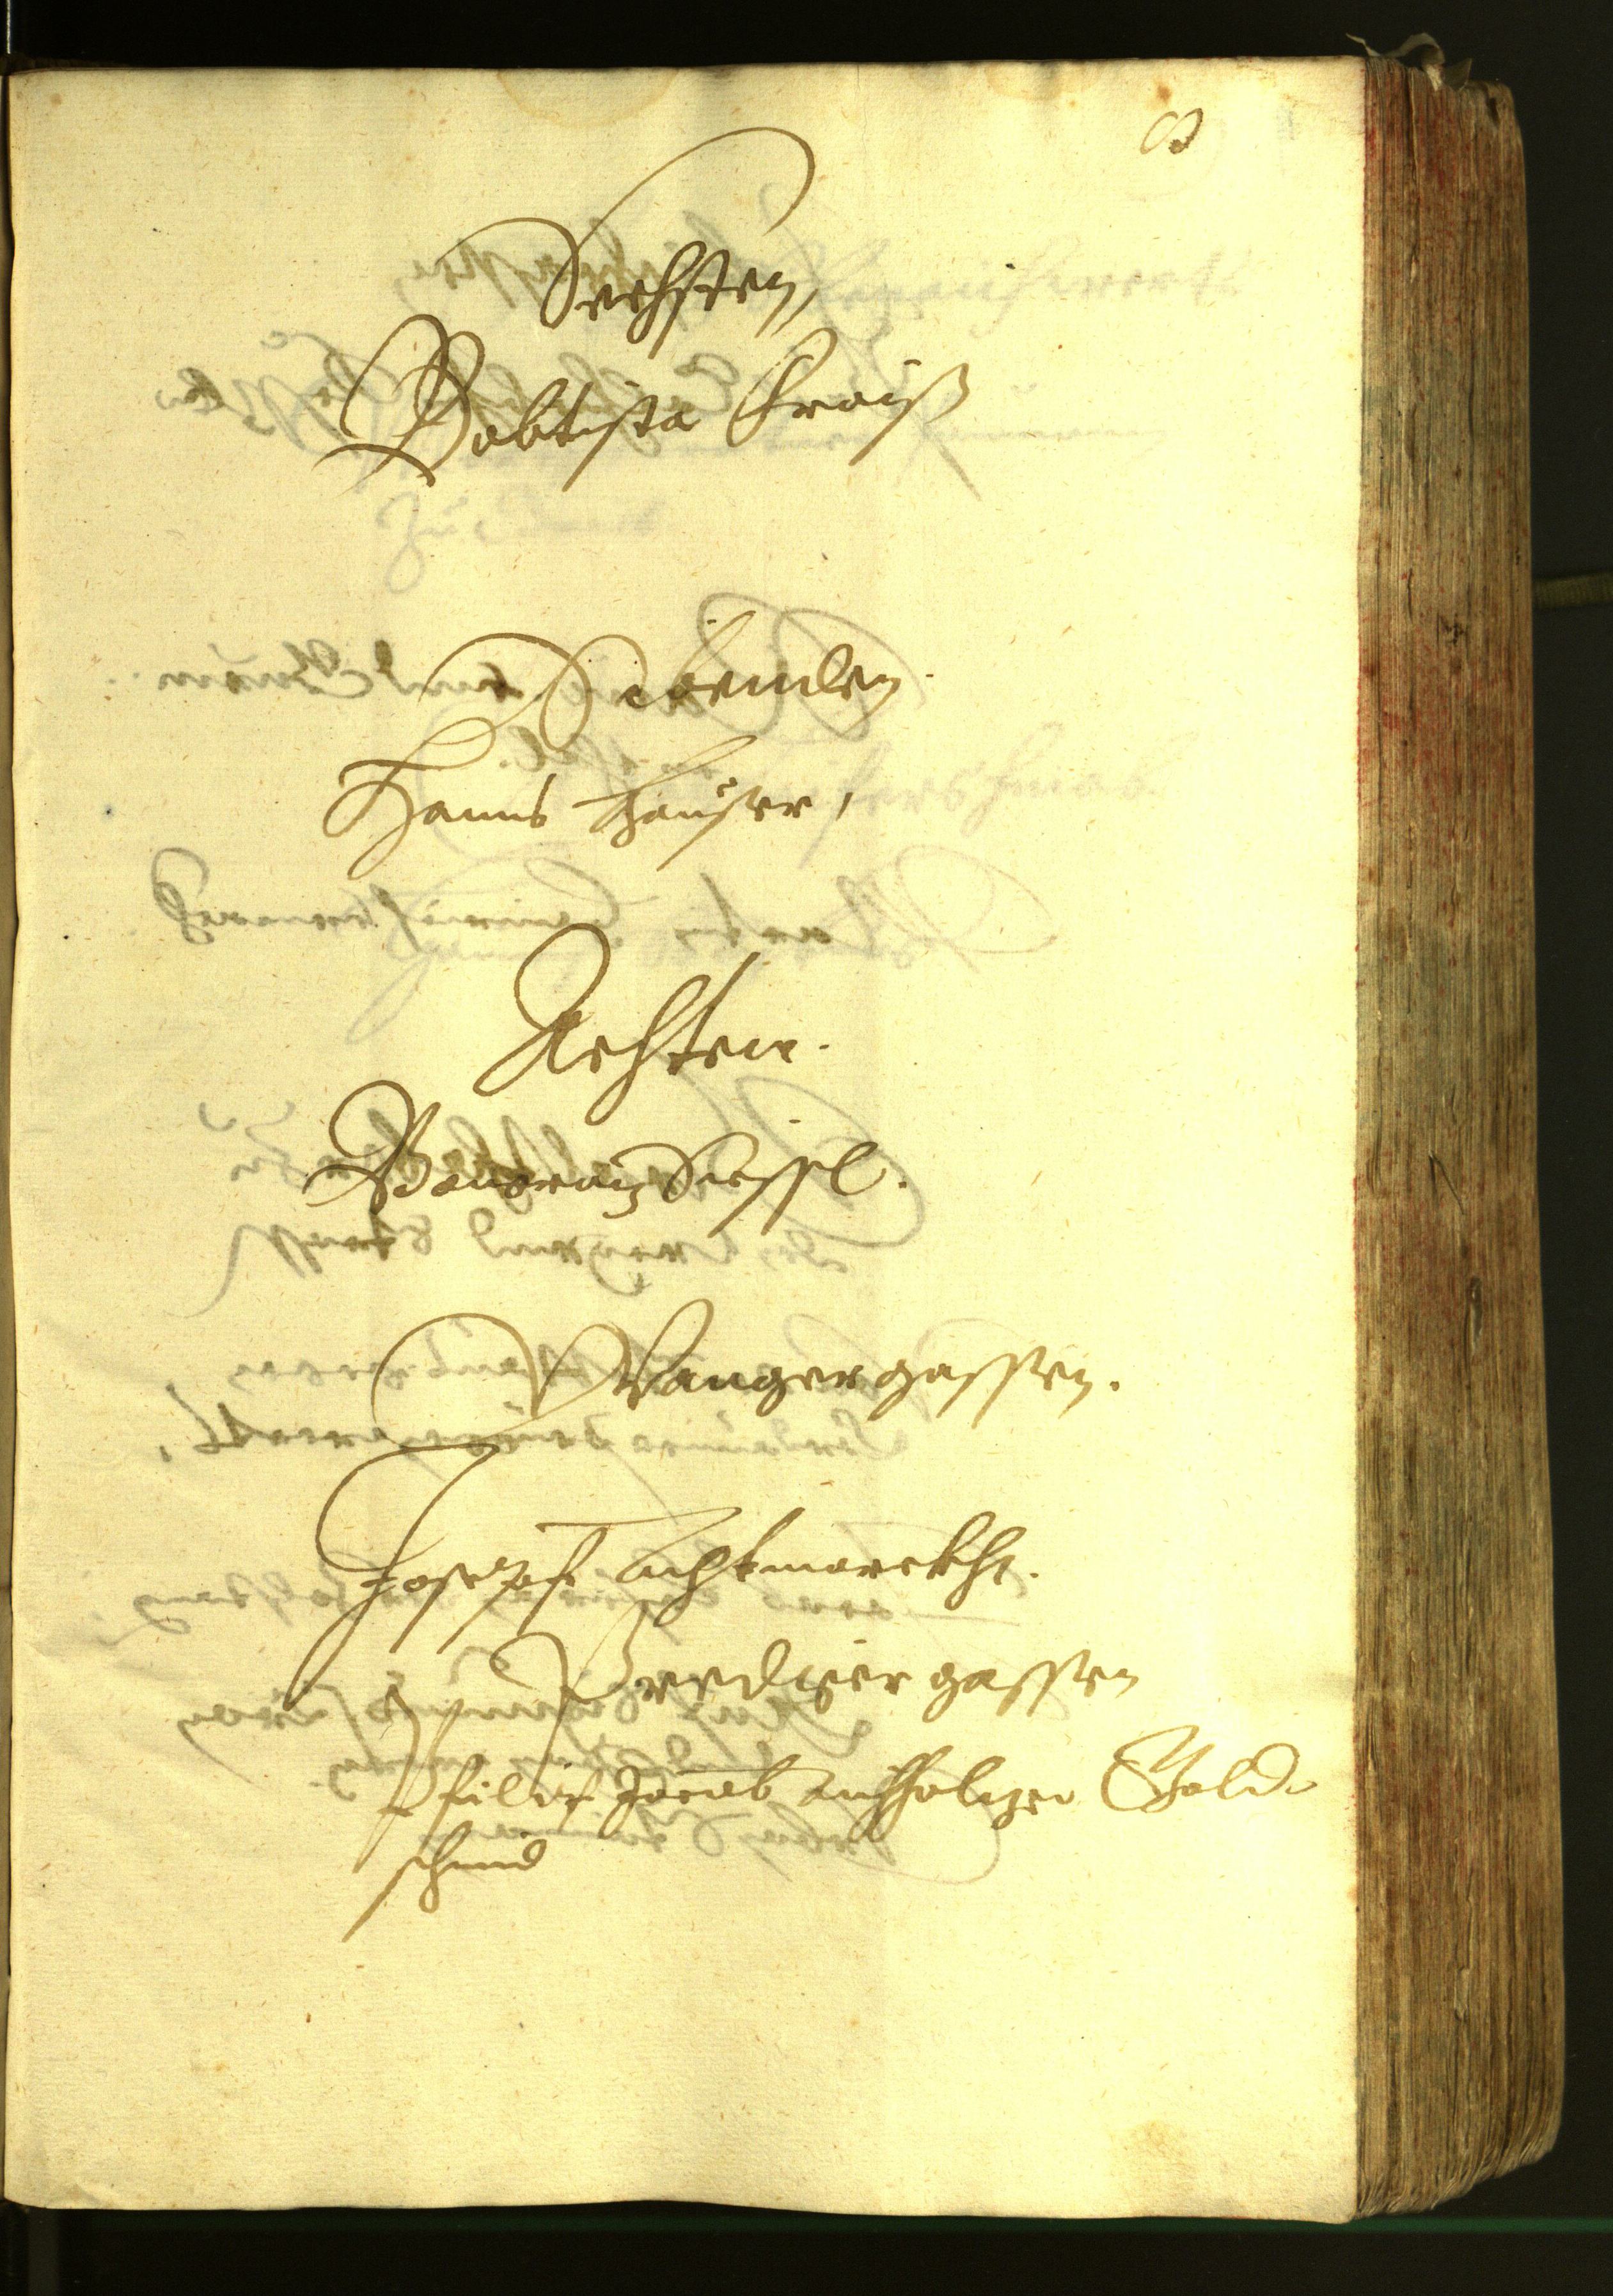Sechsten,
Babtista Fraiß
Sibenden.
Hanns Haūser,
Achten.
Bangratz Siessl.
Wangergassen.
Josepf Achtmarckht.
Predigergassen
Pfilip Jacob Aūfholzer Gold¬
schmid
8